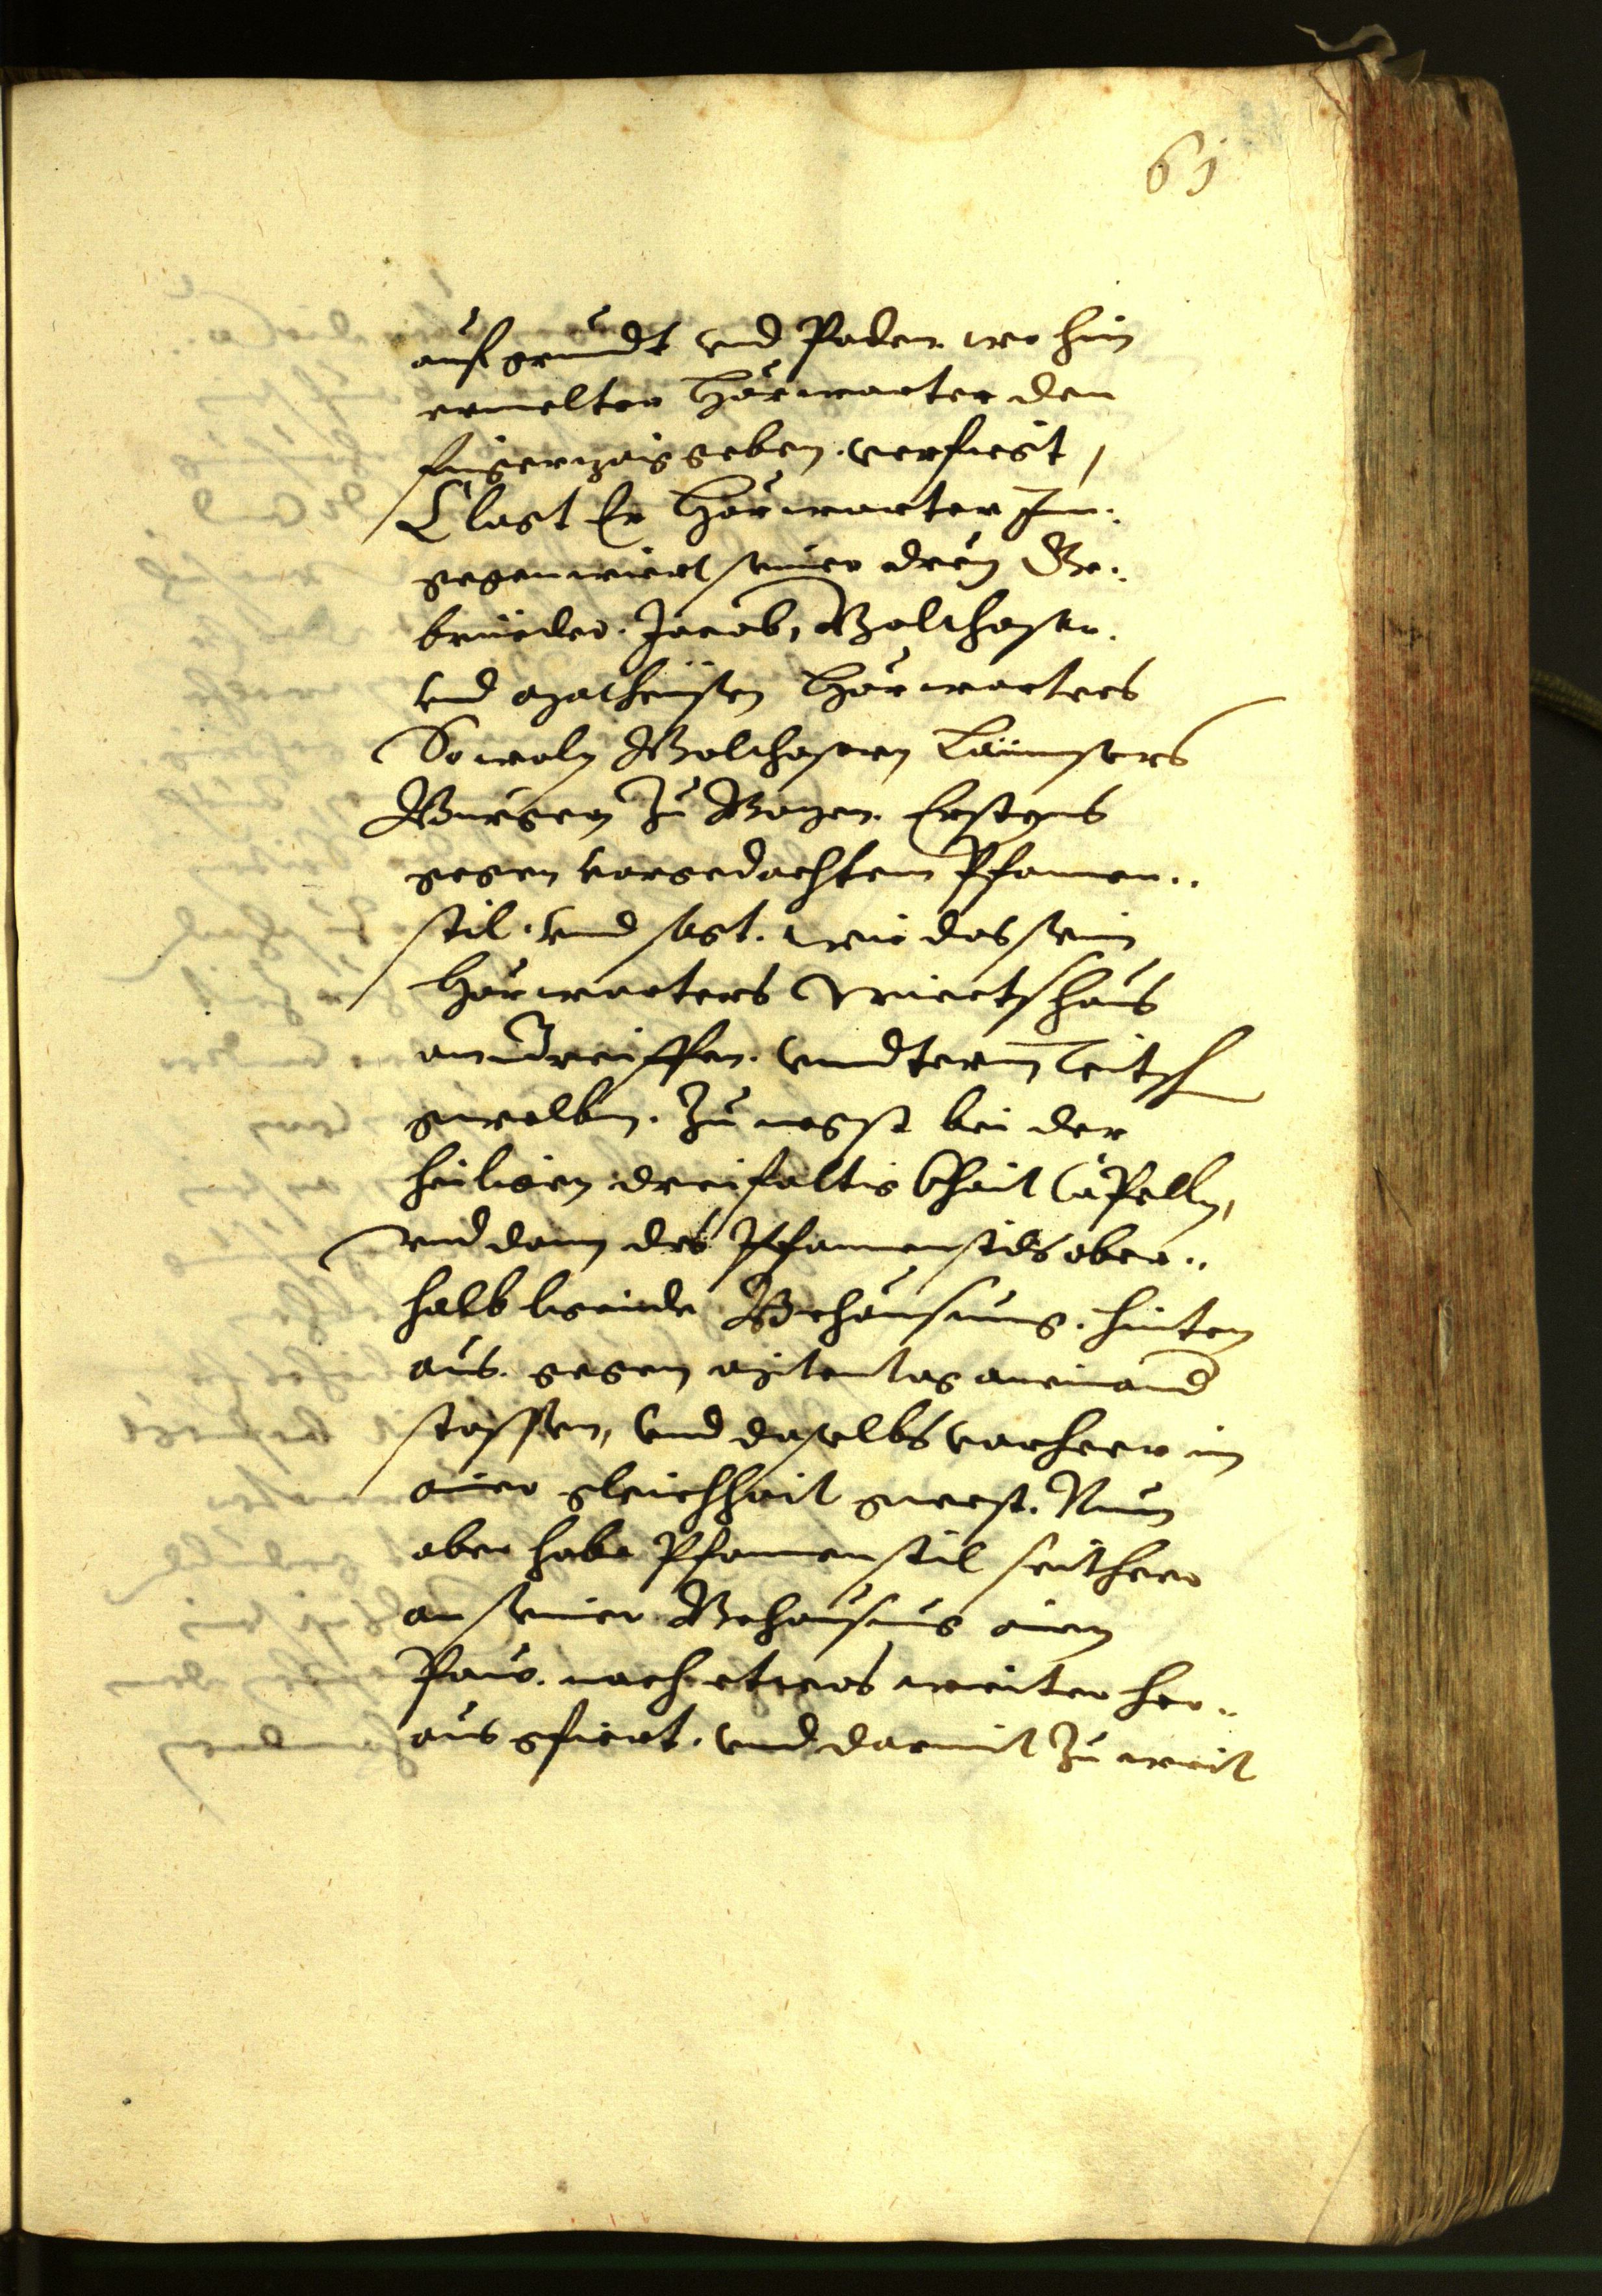61
aūf grūndt vnd Poden wo hin
ermelter Hōrwarter den
fingerzaig geben. verfiegt
Clagt Er Hōrwarter Inn¬
gegen wiert seiner drēy Ge¬
brūeder Jacob, Balthasar.
vnd Matheüsen Hōrwarters
So woln Balthasarn Lännsers
Būrgern Zū Bozen. Erstens
gegen vorgedachtem Pfannen¬
stil. vnd sagt. wie das sein
Hōrwarters Wiertshaūs
am Greiffen. vndtern Teitsch
gwelbn. Zū negst bei der
heiligen dreifaltig khait Capelln,
vnd dann des Pfannenstil ober¬
halb liegende Behaūsūng. hinten
aūs. gegen Mitentag aneinand
stossen, vnd daselbs vorher in
ainer gleichhait gweest. Nūn
aber habe Pfannenstil seither
an seiner Behaūsūng ainen
Paw̄. noch etwas weiter her¬
aūs gefiert. vnd darmit Zū weit